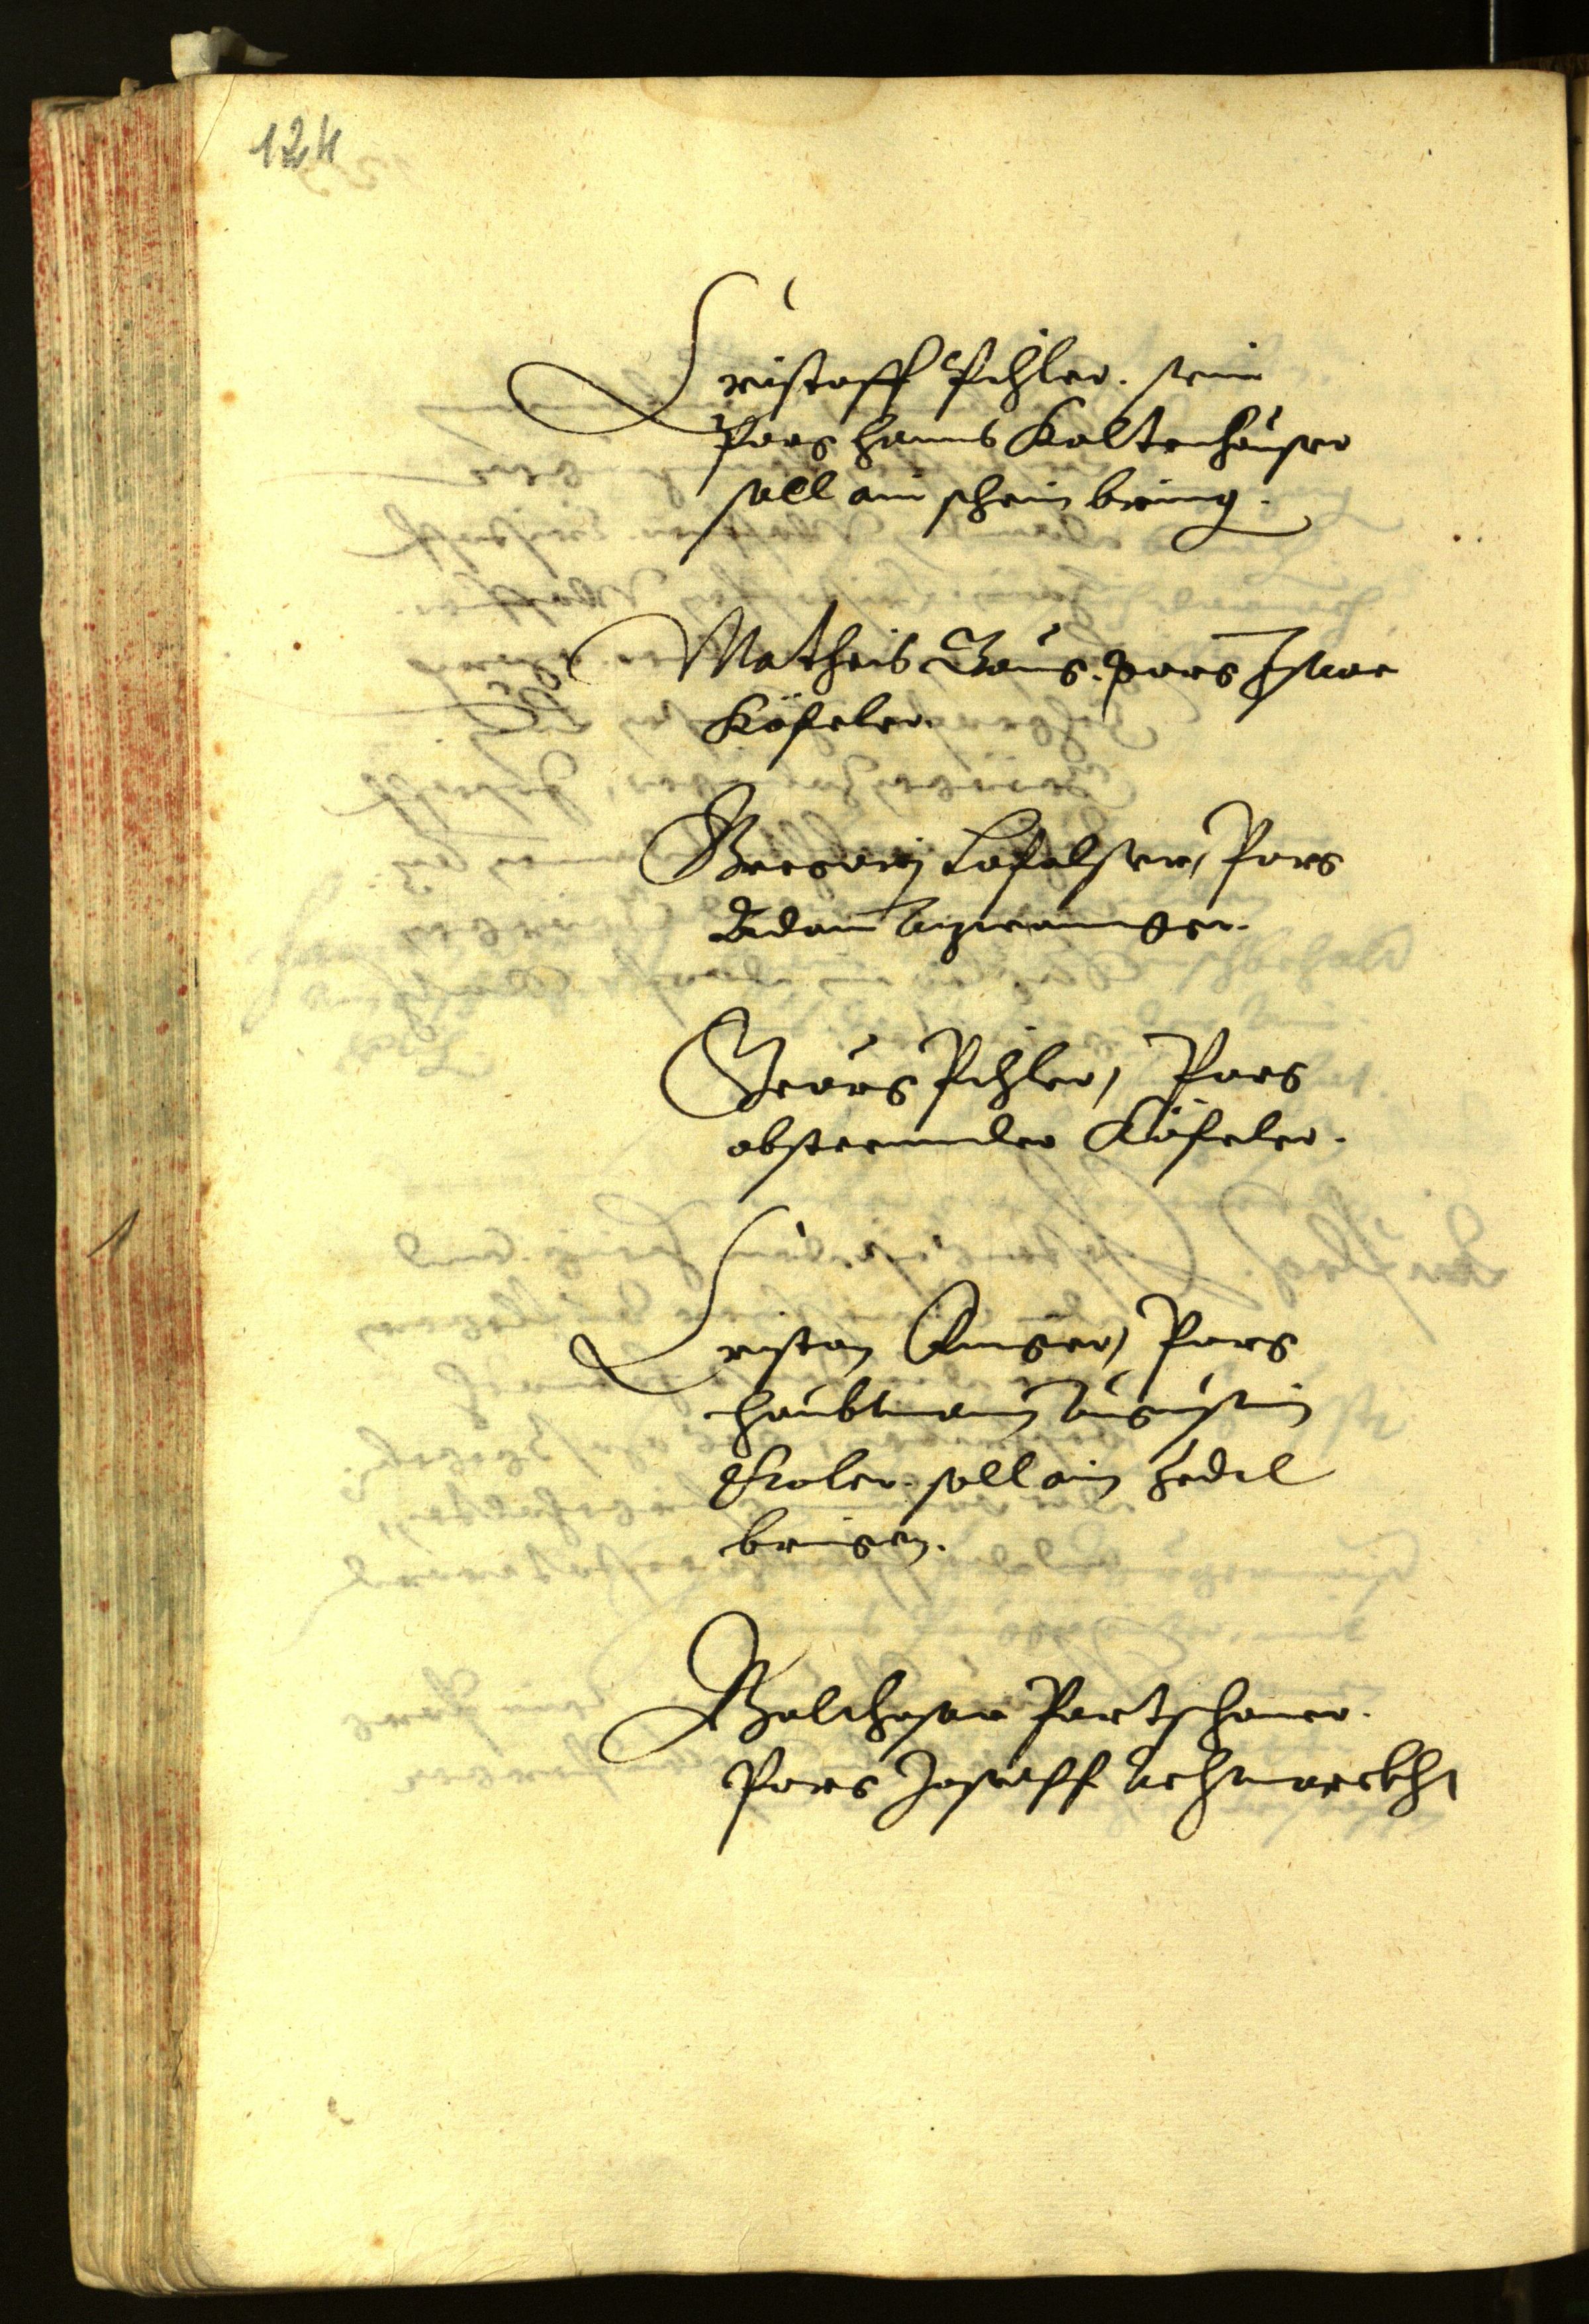124
Cristoff Pihler. sein
Porg Hanns Kaltenhaūser
soll ain schein bring.
Matheis Gaūg. Porg Iseac
Köfeler.
Gregorj Lofalser, Porg
Adam Azwannger.
Geōrg Pihler, Porg
obsteender Köfeler.
Cristan Fūnger, Porg
Haūbtmann Aūgūstin
Koler. soll ain Zedel
bringen.
Balthasar Partschoner.
Porg Joseff Achtmarckht